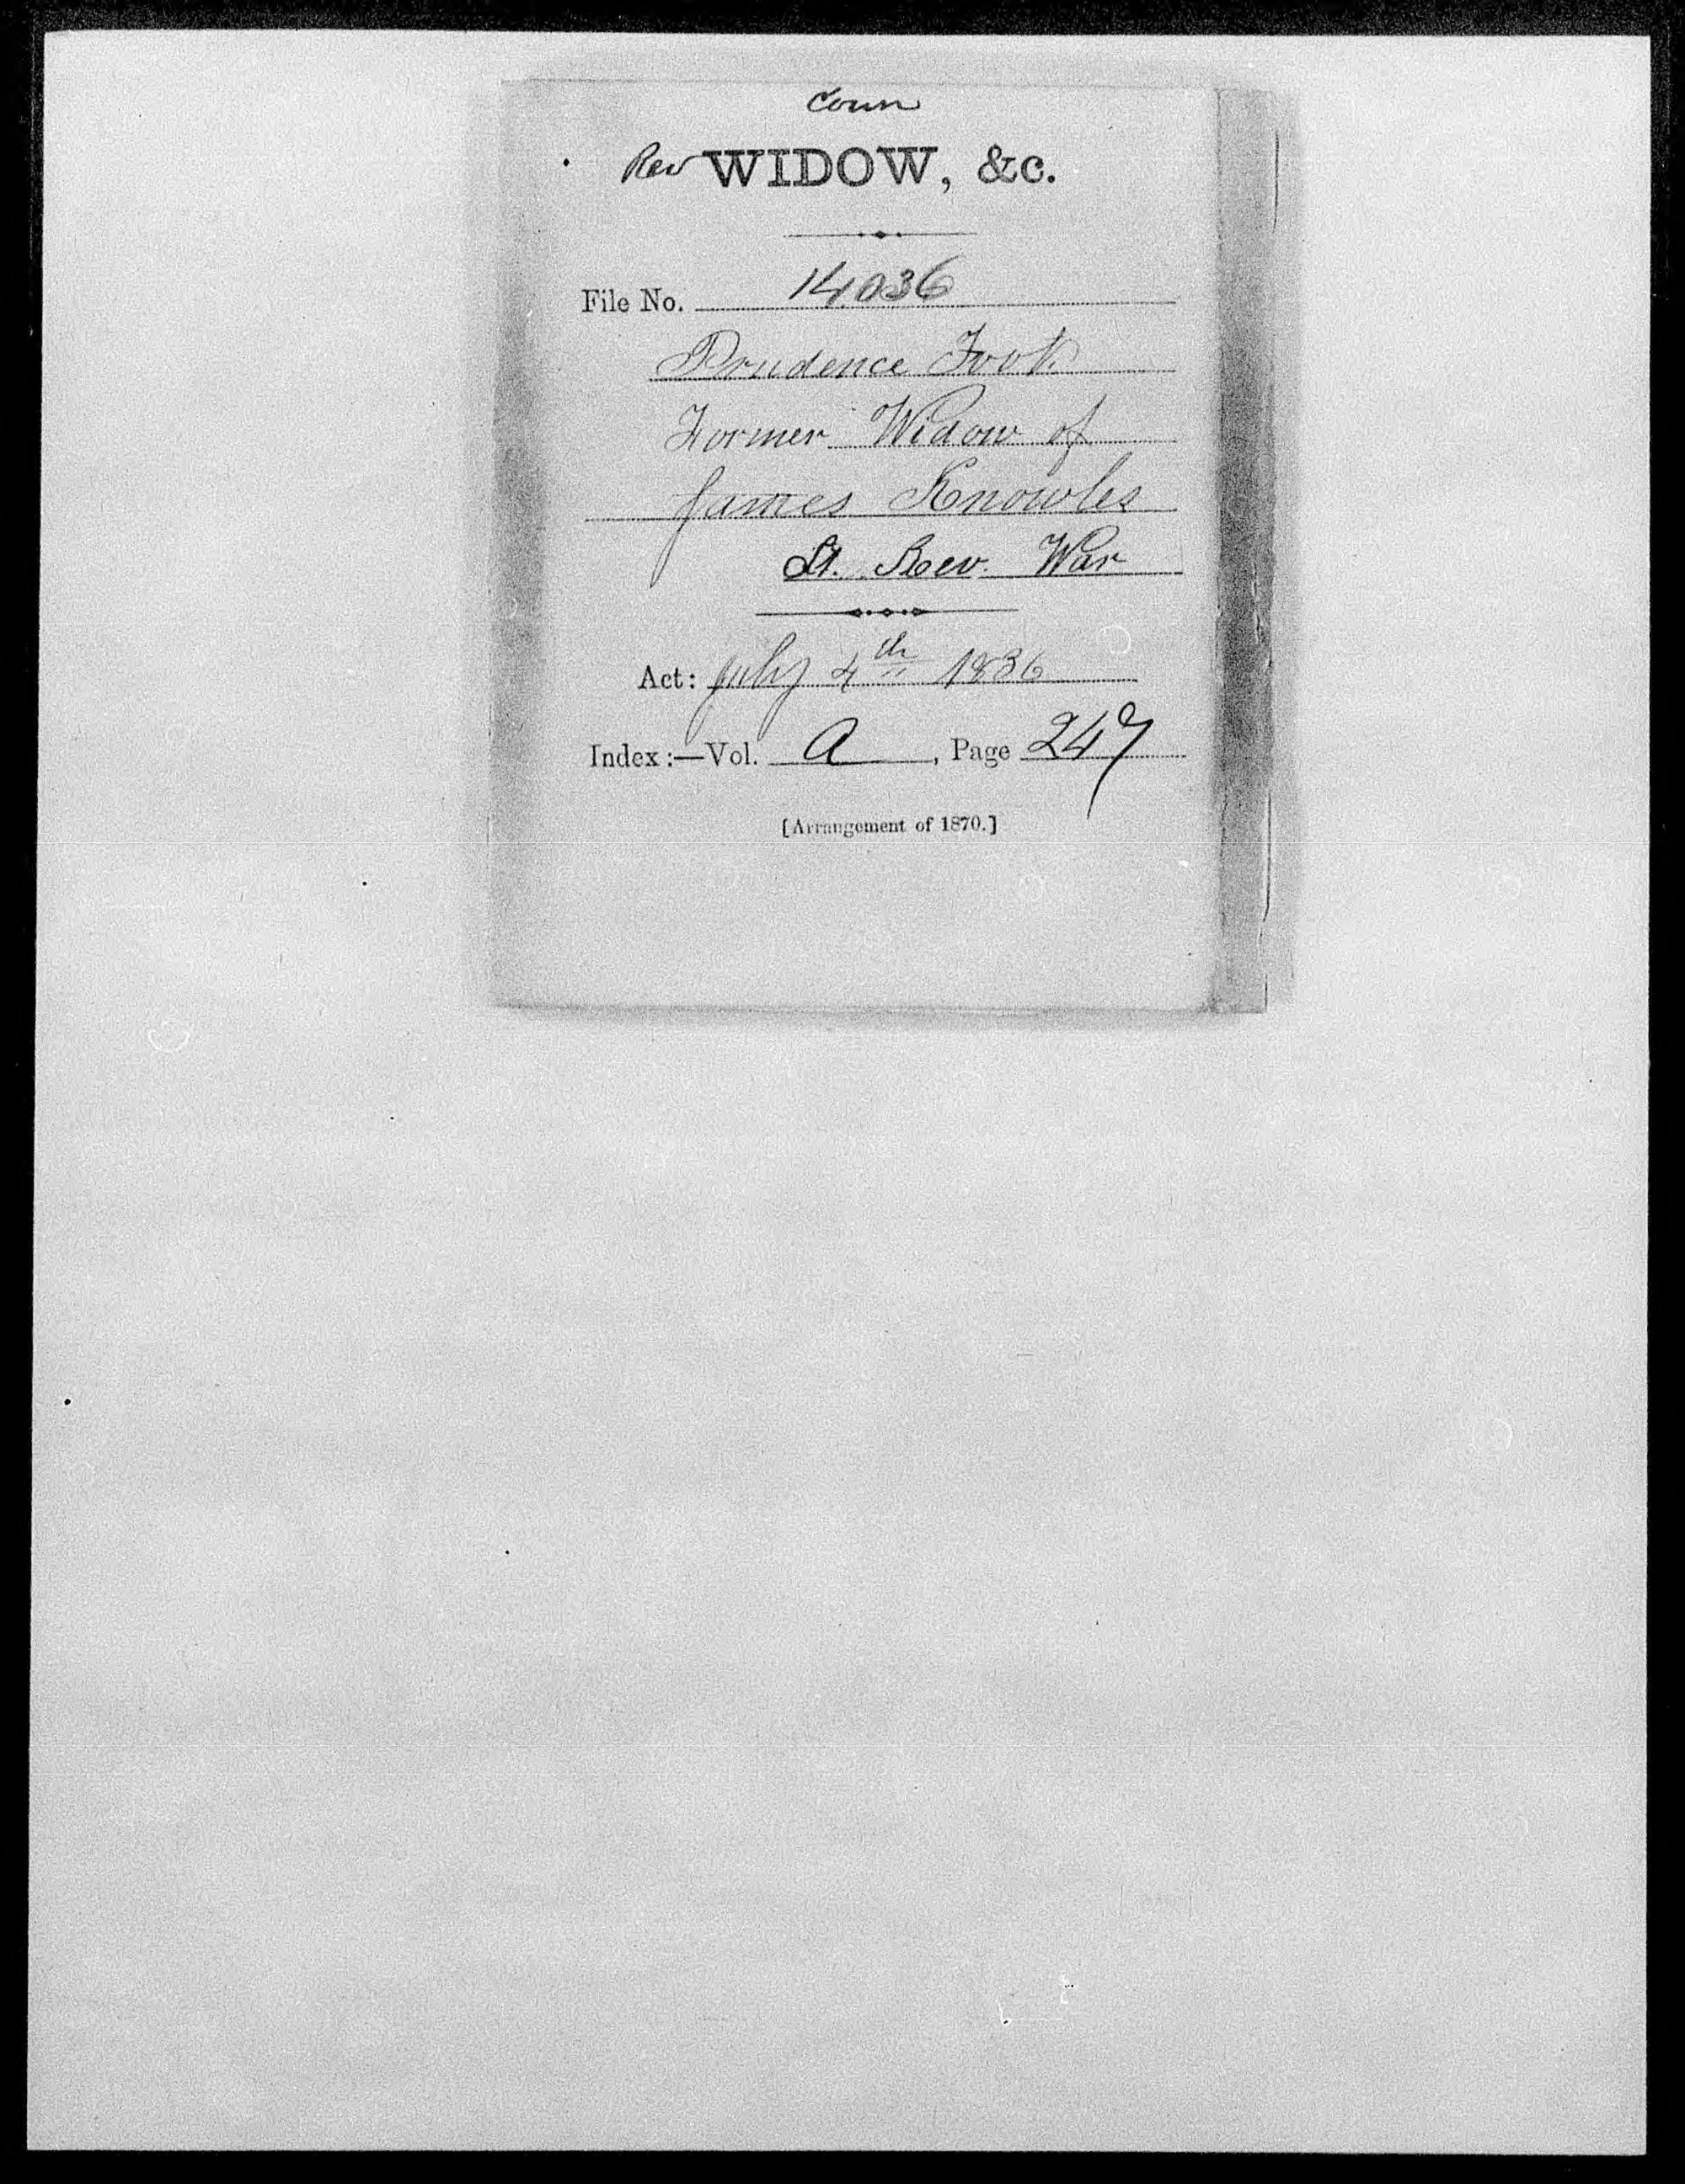Conn
Rev WIDOW, &c.
File No. 14.036
Prudence Foot.
Former Widow of James Knowles
Lt. Rev. War
Act: July 4th 1836
Index:--Vol. A,  Page 247
[Arrangement of 1870.]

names: Prudence Foot; James Knowles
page: 52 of 60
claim: widow's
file: W. 14,036, for James Knowles, Connecticut